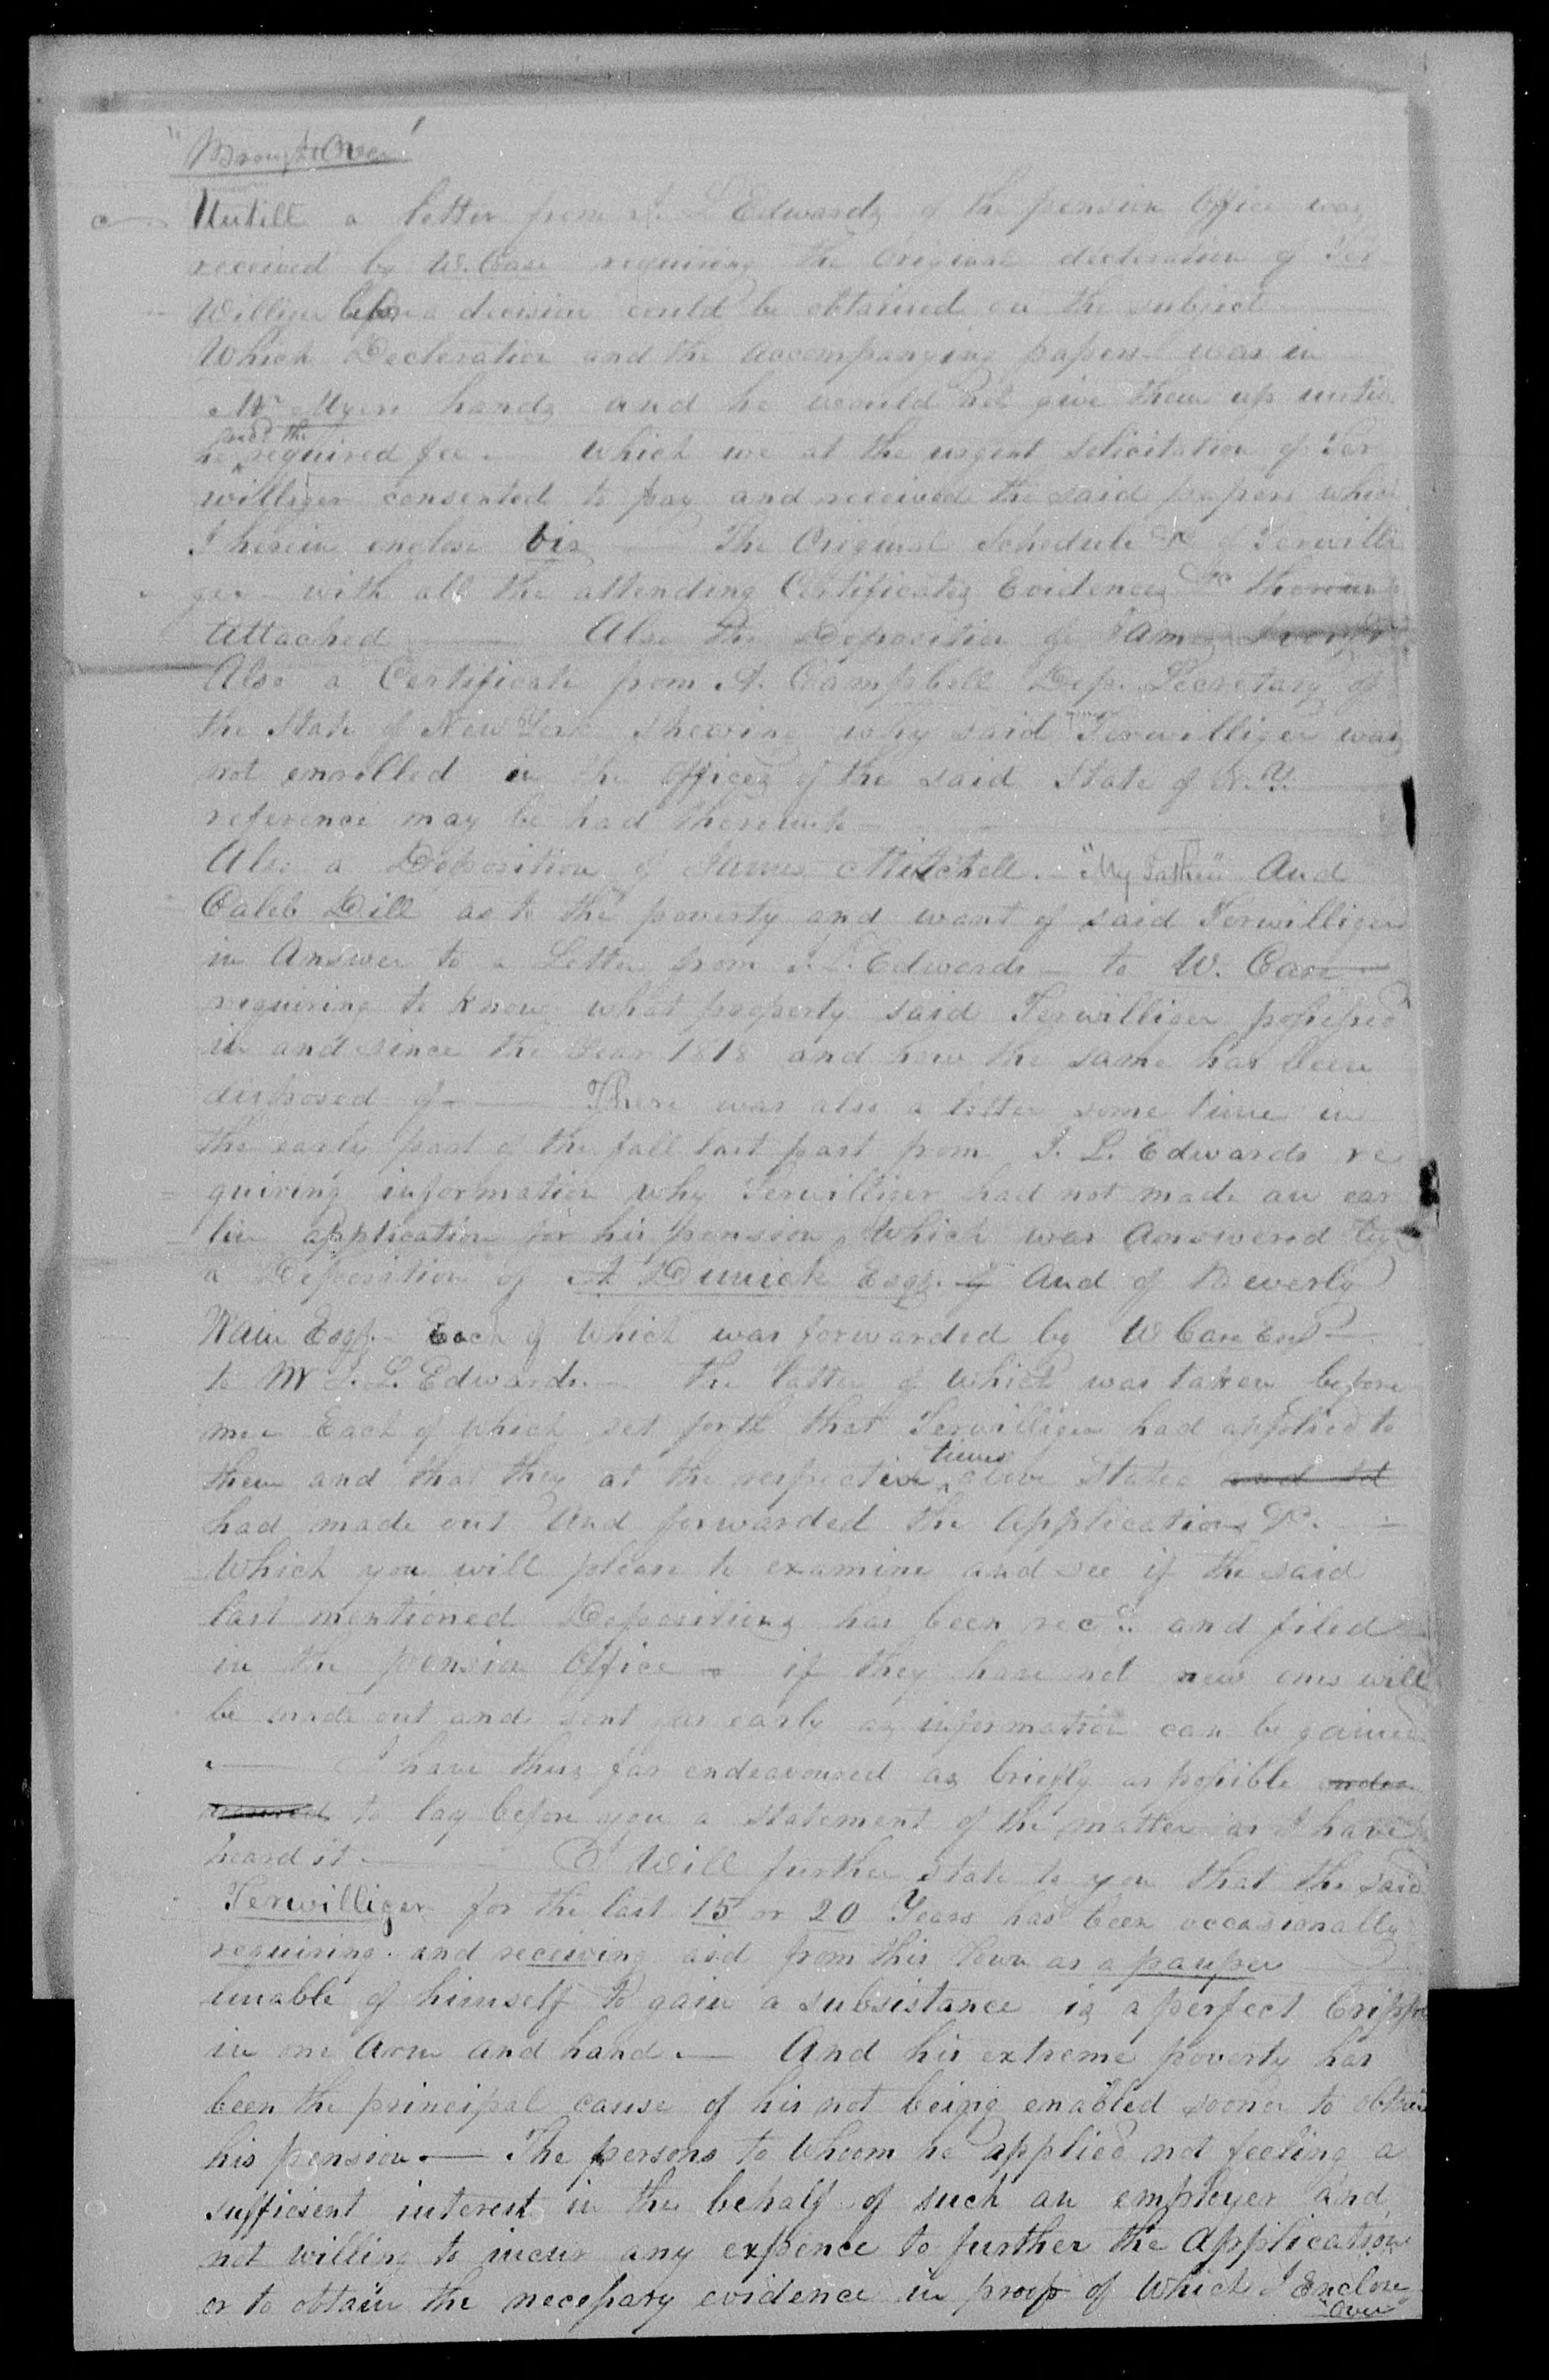Brought Over
untill a letter from Edward of the pension office was
received W. Case requiring the Original declaration of Terwilliger before a decision could be obtained on the subject
which Declaration and the accompanying papers was in
Mr Myers hands and he would will give them up until
paid the required fee. which we at the urgent solicitation of Terwilliger consented to pay and received the said paper which
I herein enclose viz The Original Schedule & Terwilliger
with all the attending certificates Evidences & [illegible]
attached, Also the Deposition of James [illegible]
Also a certificate from A. Campbell Dep Secretary of
the State of New York showing why said Terwilliger was
not enrolled in the office of the said State of N.Y.
reference may be had thereupon
Also a Deposition of James Mitchell. My Father, and
Caleb Dill as to the poverty and want of said Terwilliger
in answer to a Letter from J. L. Edwards to W. Case
requiring to know what property said Terwilliger possessed
and since the year 1818 and how the same has been
disposed of. There was also a letter some time in
the early part of the fall last past from J. L. Edwards
requiring information why Terwilliger had not made an earlier
in application for his pension which was answered by
a
Deposition of Dimick Esq. and of Beverly Wain Esq. Each of which was forwarded by W Case Esq
to Mr J. L. Edwards the latter of which was taken before
me Each of which set forth that Terwilliger had applied to
them and that they at the respectively stated
had made out and forwarded the application &
which you will please to examine and see if the said
last mentioned deposition has been recd and filed 
in the pension office if they have not be one will be
made out and sent as early as information can obtained
I have thus far endeavoured as briefly as possible 
to lay before you a statement of the matter as I have
heard it
-
Will further state to you that the said
Terwilliger for the last 15 or 20 years has been occasionally
requiring and receiving and from this town as a pauper
---
unable of himself to gain a subsistence is perfect Cripple
in one arm and land. And his extreme poverty has
been the principal cause of his not being enabled sooner to obtain
his pension. The persons to whom he applied not feeling a
sufficient interest in the behalf of such an employer and
not willing to incur any expense to further the application
or to obtain the necessary evidence in proof of which I enclose "over"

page: 21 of 64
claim: survivor's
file: S. 42,464, for William Terwilliger, New York